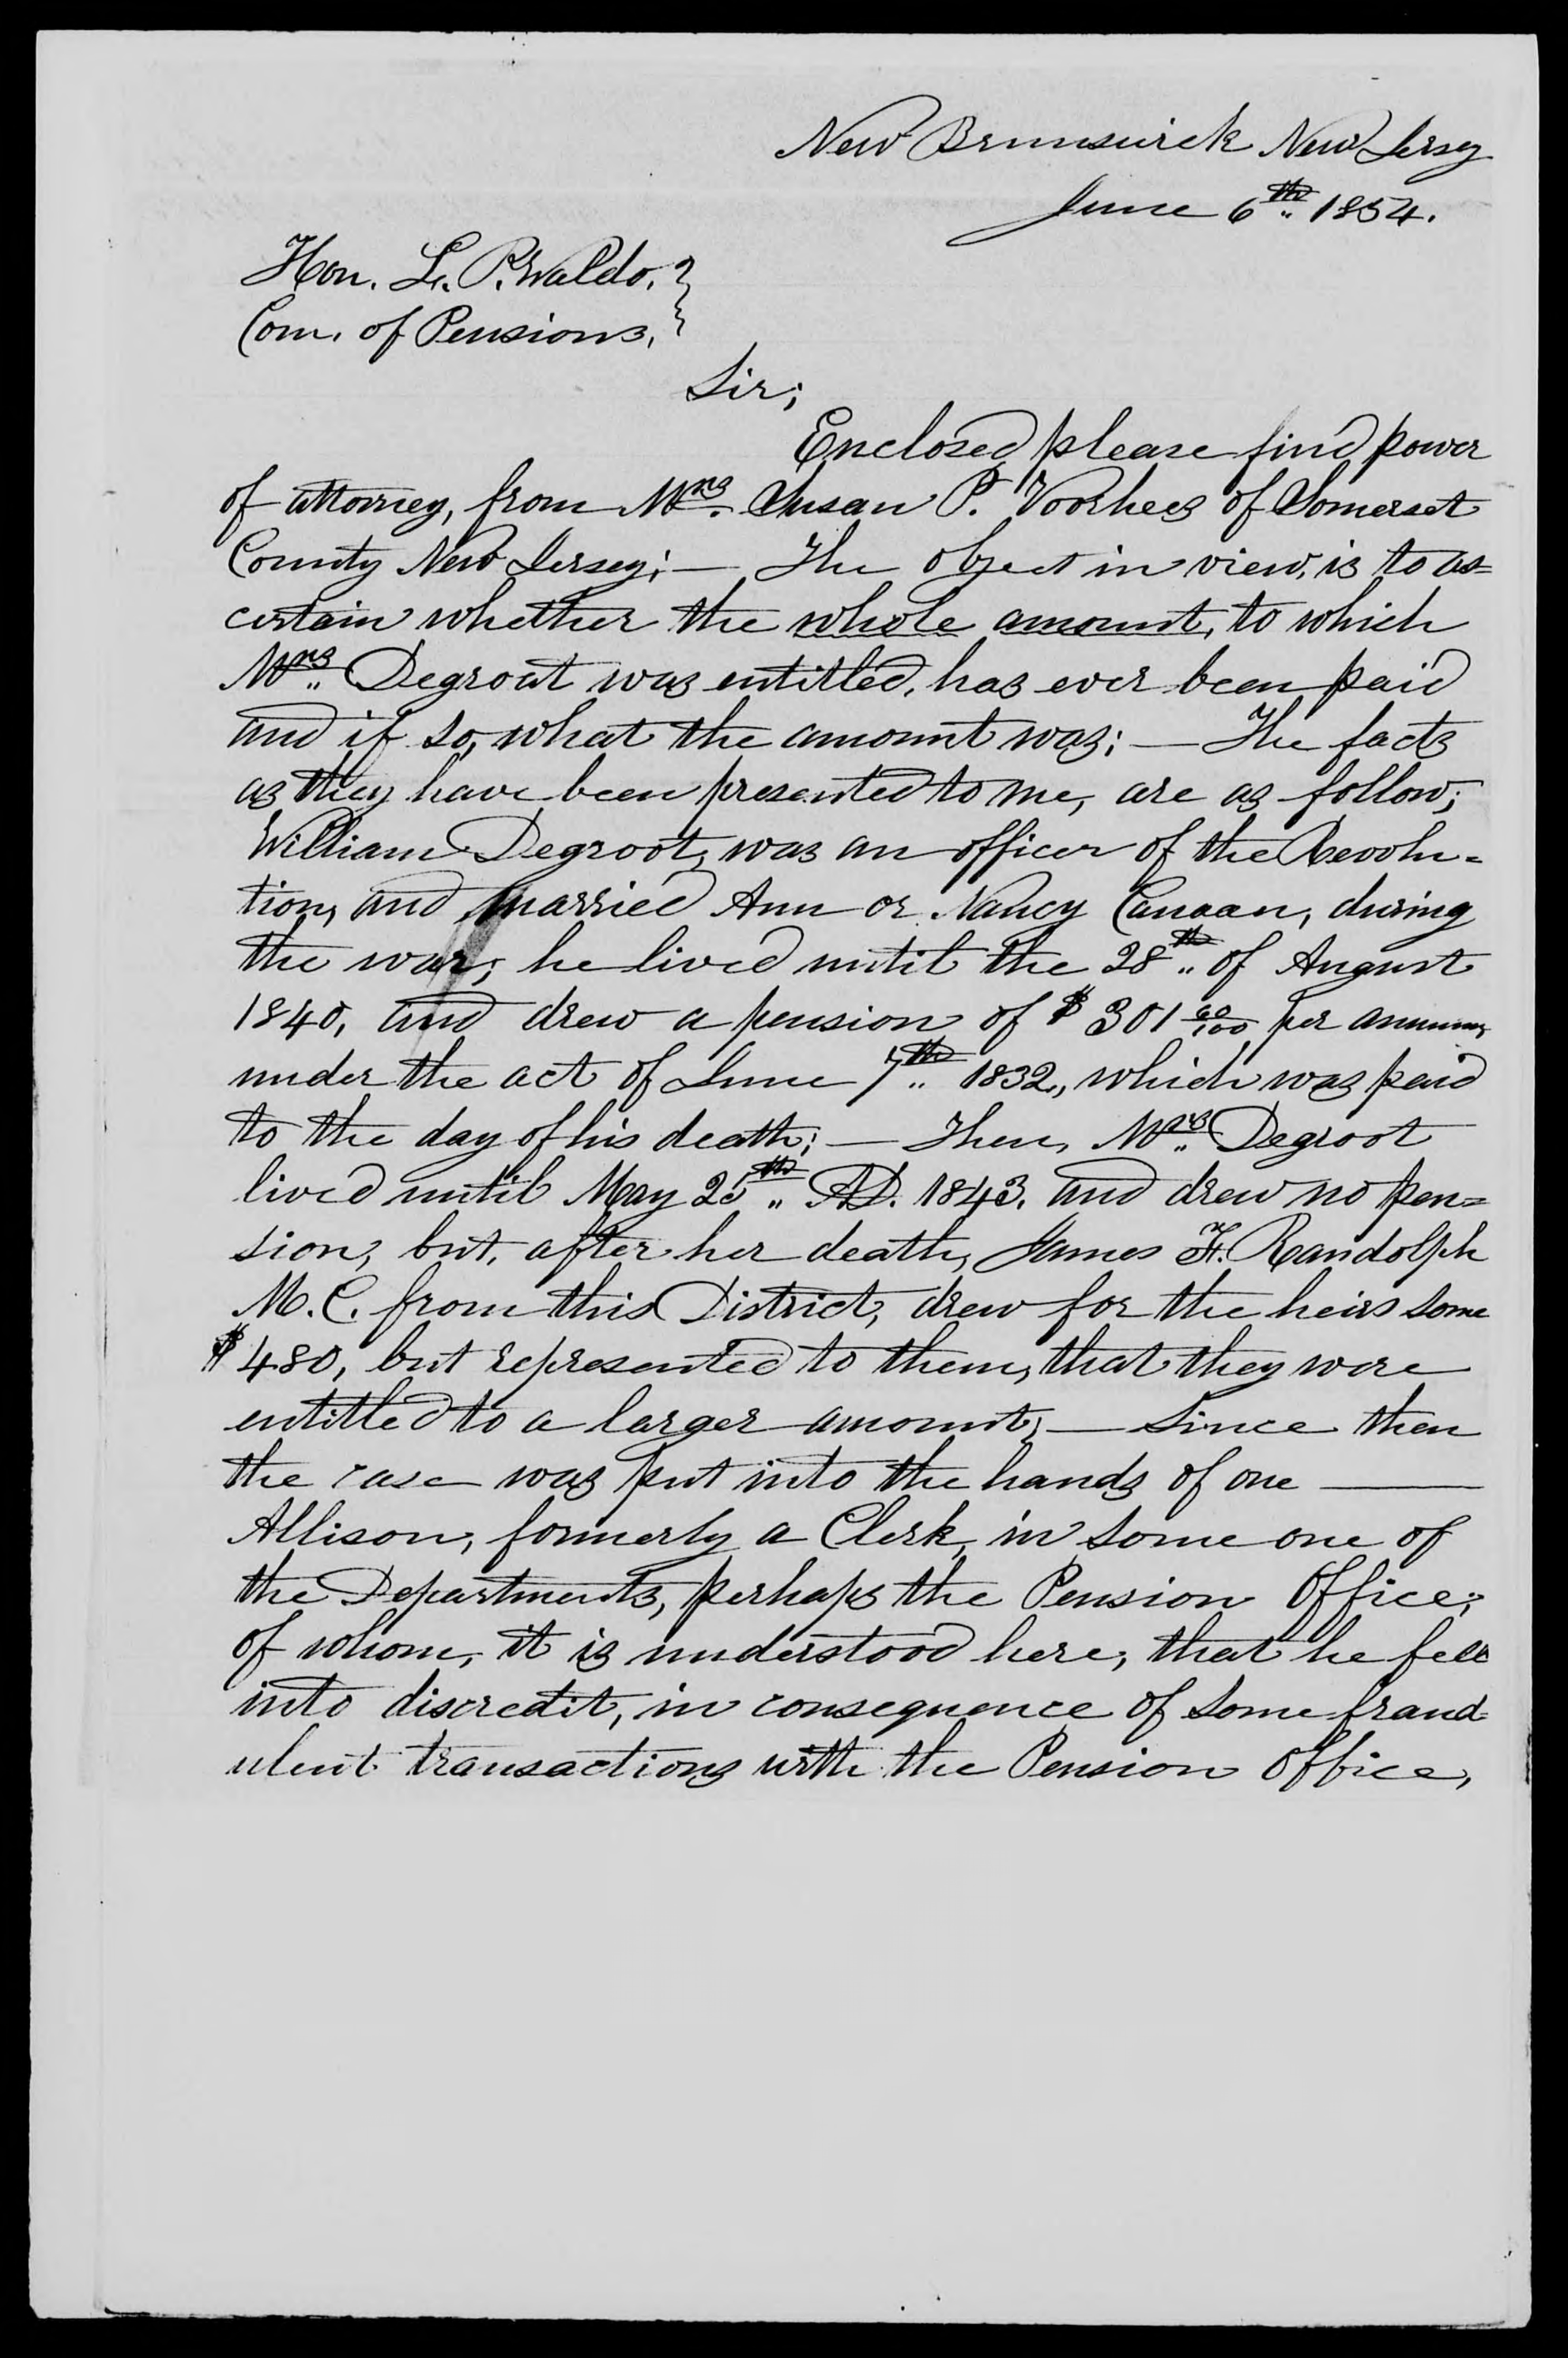New Brunswick New Jersey
June 6th,, 1854

Hon. L. P. Waldo,
Com. of Pensions,

Sir,
Enclosed please find power of attorney, from Mrs. Susan P. Voorheez of Somerset County New Jersey. The object in view is to ascertain whether the whole amount, to which Mrs. Degroat was entitled, has ever been paid and if so, what the amount was;- The facts as they have been presented to me, are as follow; William Degroot, was an officer of the Revolution, and Married Ann or Nancy Canaan, during the war, he lived with the 28th.. of August 1840, and drew a pension of $301 60/100 per [illegible] under the act of June 7th,, 1832, which was paid to the day of his death;- there, Mrs. Degroot lived until May 20th,, [illegible] 1843, and drew no pension, but, after her death, James F. Randolph M. C. from this district, drew for the heirs some $480, but [illegible] to them that they were entitled to a larger amount,- since then the case was put into the hands of one - Allison, formerly a clerk in someone of the departments, perhaps the pension office, of whom it is understood here, that he fell into discredit, in consequence of some fraud [illegible] transactions with the Pension Office.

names: L P Waldo, Ann Canaan, Degroat, Allison, Nancy Canaan, William Degroot, Susan P Voorhees, James F Randolph, Degroot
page: 26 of 77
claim: widow's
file: W. 417, William De Groot, New Jersey